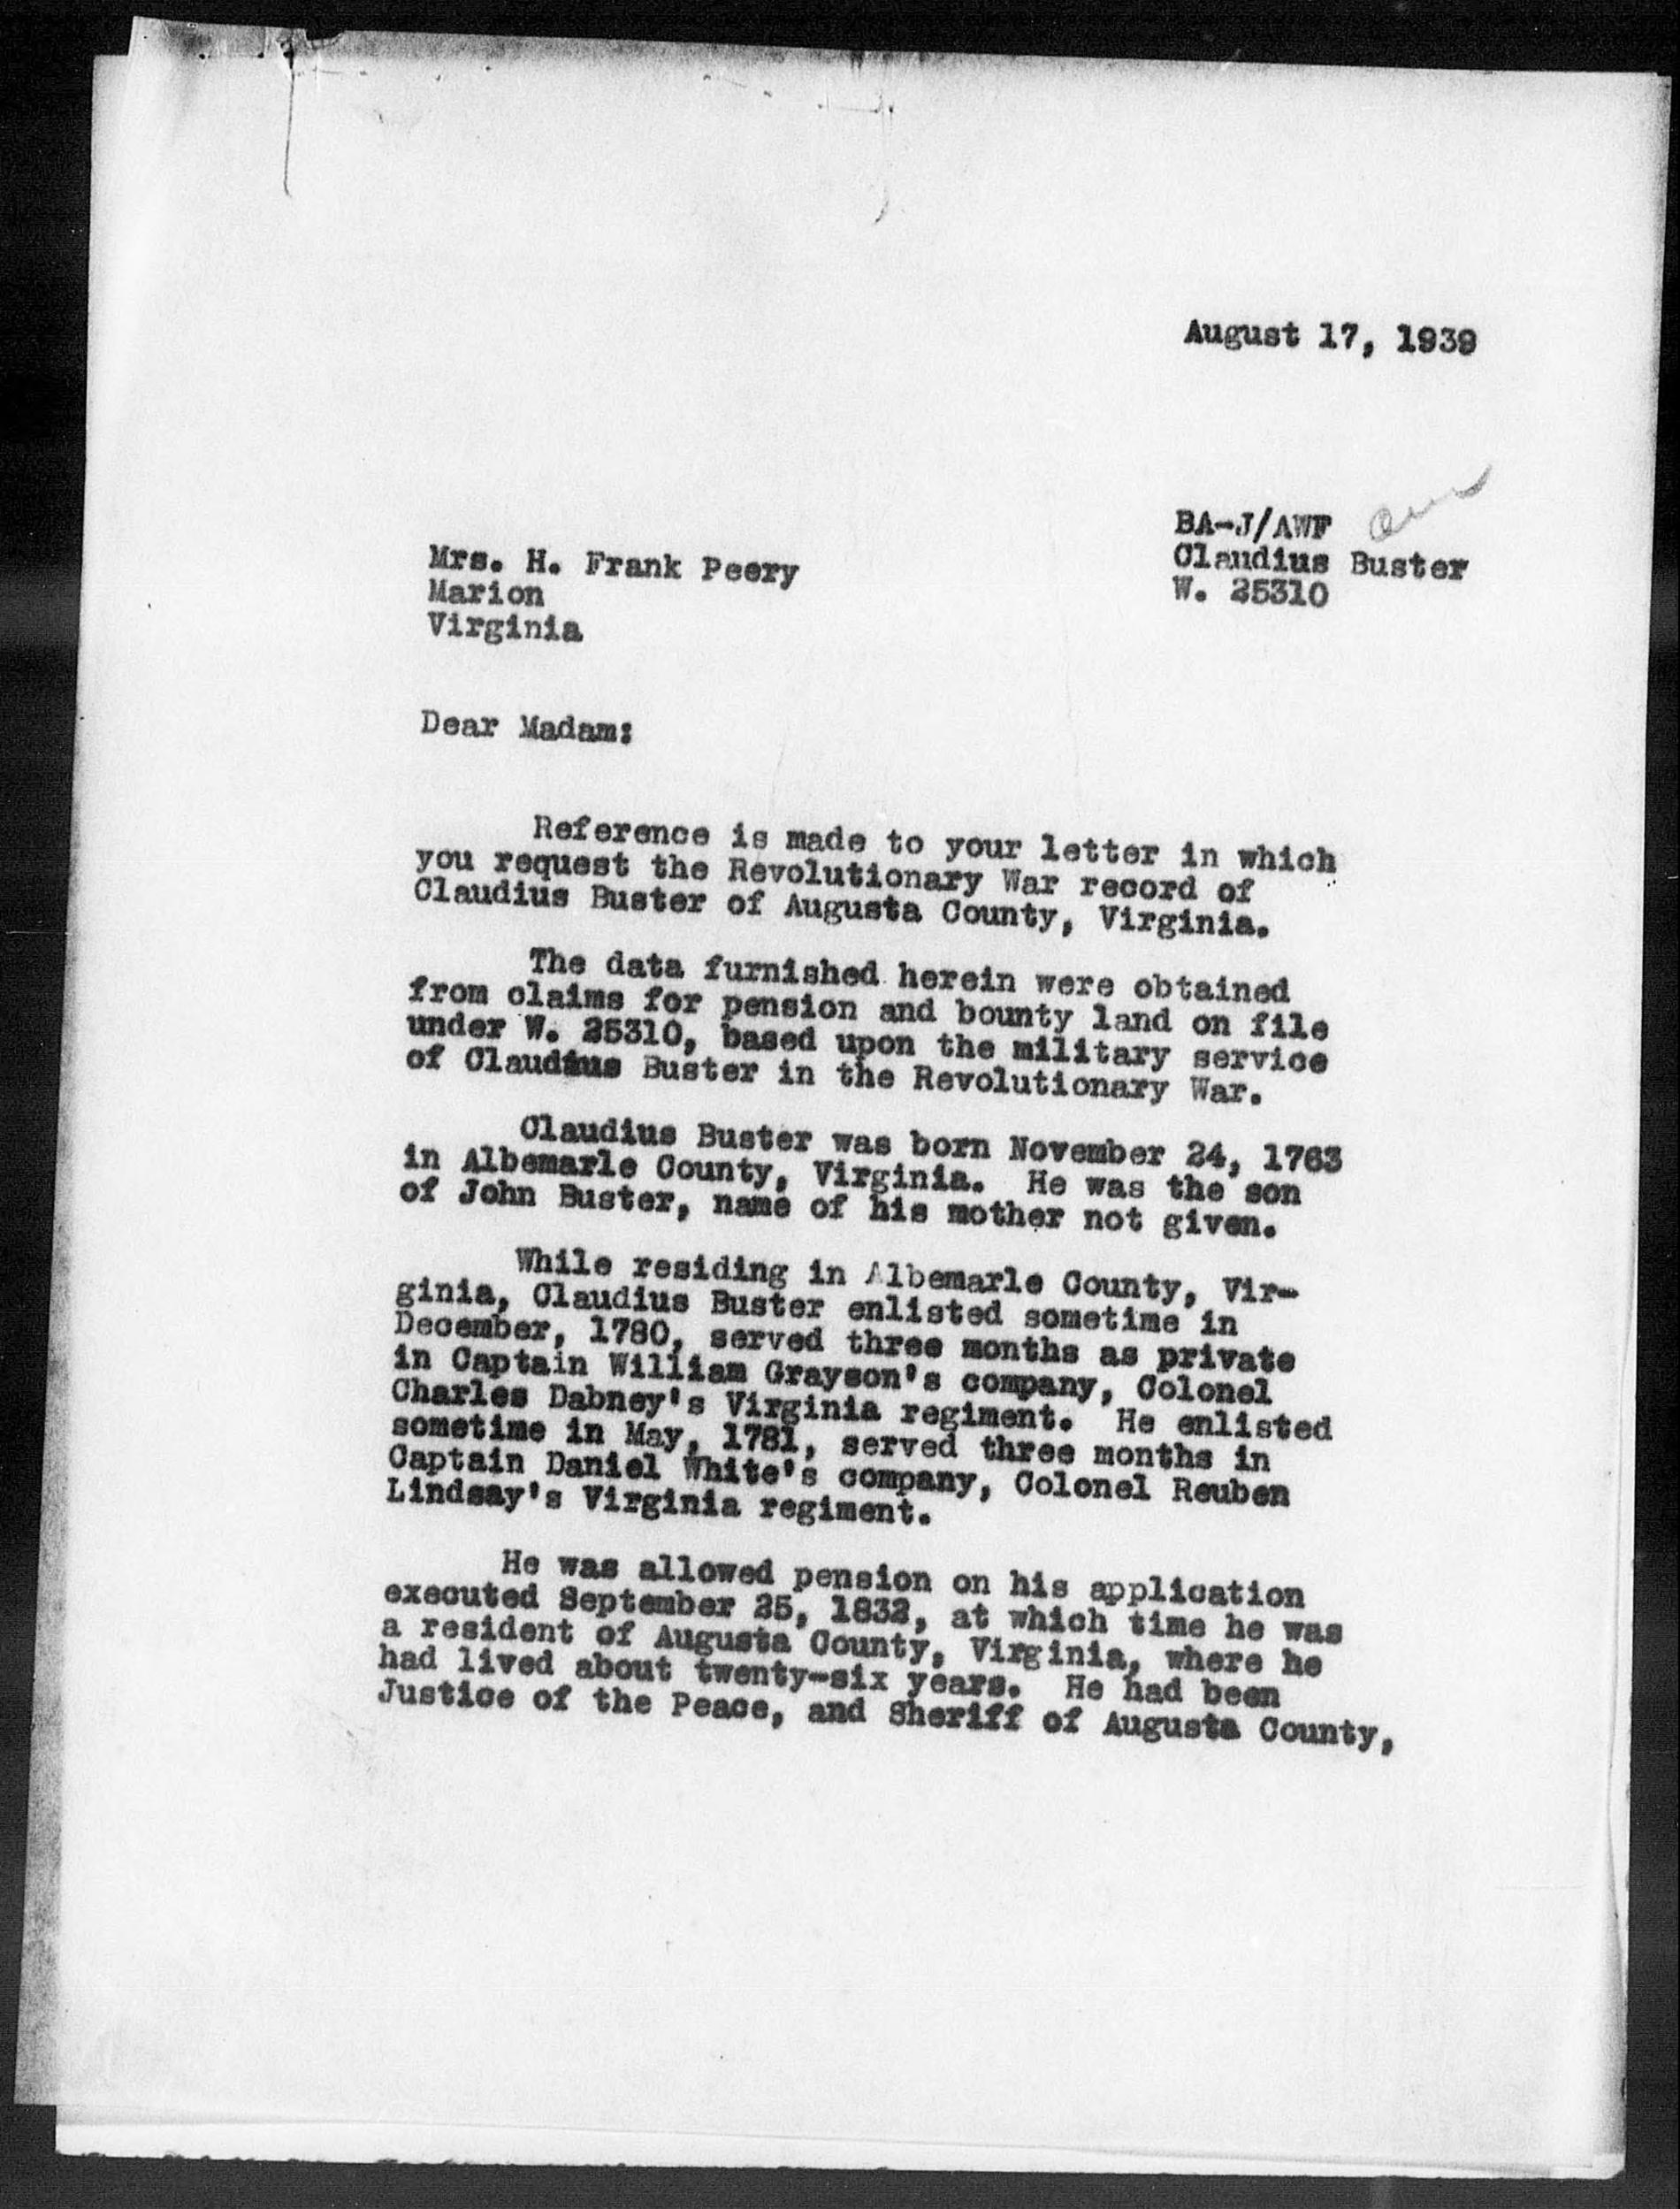August 17, 1939

BA-J/AWF 
Claudius Buster 
W. 25310 

Mrs. H. Frank Peery
Marion
Virginia

Dear Madam: 

Reference is made to your letter in which you request the Revolutionary War record of Claudius Buster of Augusta County, Virginia.

The data furnished herein were obtained from claims for pension and bounty land on file under W. 25310, based upon the service of Claudius Buster in the Revolutionary War.

Claudius Buster was born November 24, 1763 in Albemarle County, Virginia. He was the son of John Buster, name of his mother not given.

While residing in Albemarle County, Virginia, Claudius Buster enlisted sometime in December, 1780, served three months as private in Captain William Grayson's company, Colonel Charles Dabney's Virginia regiment. He enlisted sometime in May, 1781, served three months in Captain Daniel White's company, Colonel Reuben Lindsay's Virginia regiment.

He was allosed pension on his application executed September 25, 1832, at which time he was a resident of Augusta County, Virginia, where he had lived about twenty-six years. He had been Justice of the Peace, and Sheriff of Augusta County,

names: H Frank Peery, Claudius Buster, Claudius Buster, John Buster, Claudius Buster, Claudius Buster, Claudius Buster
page: 61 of 71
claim: widow's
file: W. 25310, Claudius Buster, Va.